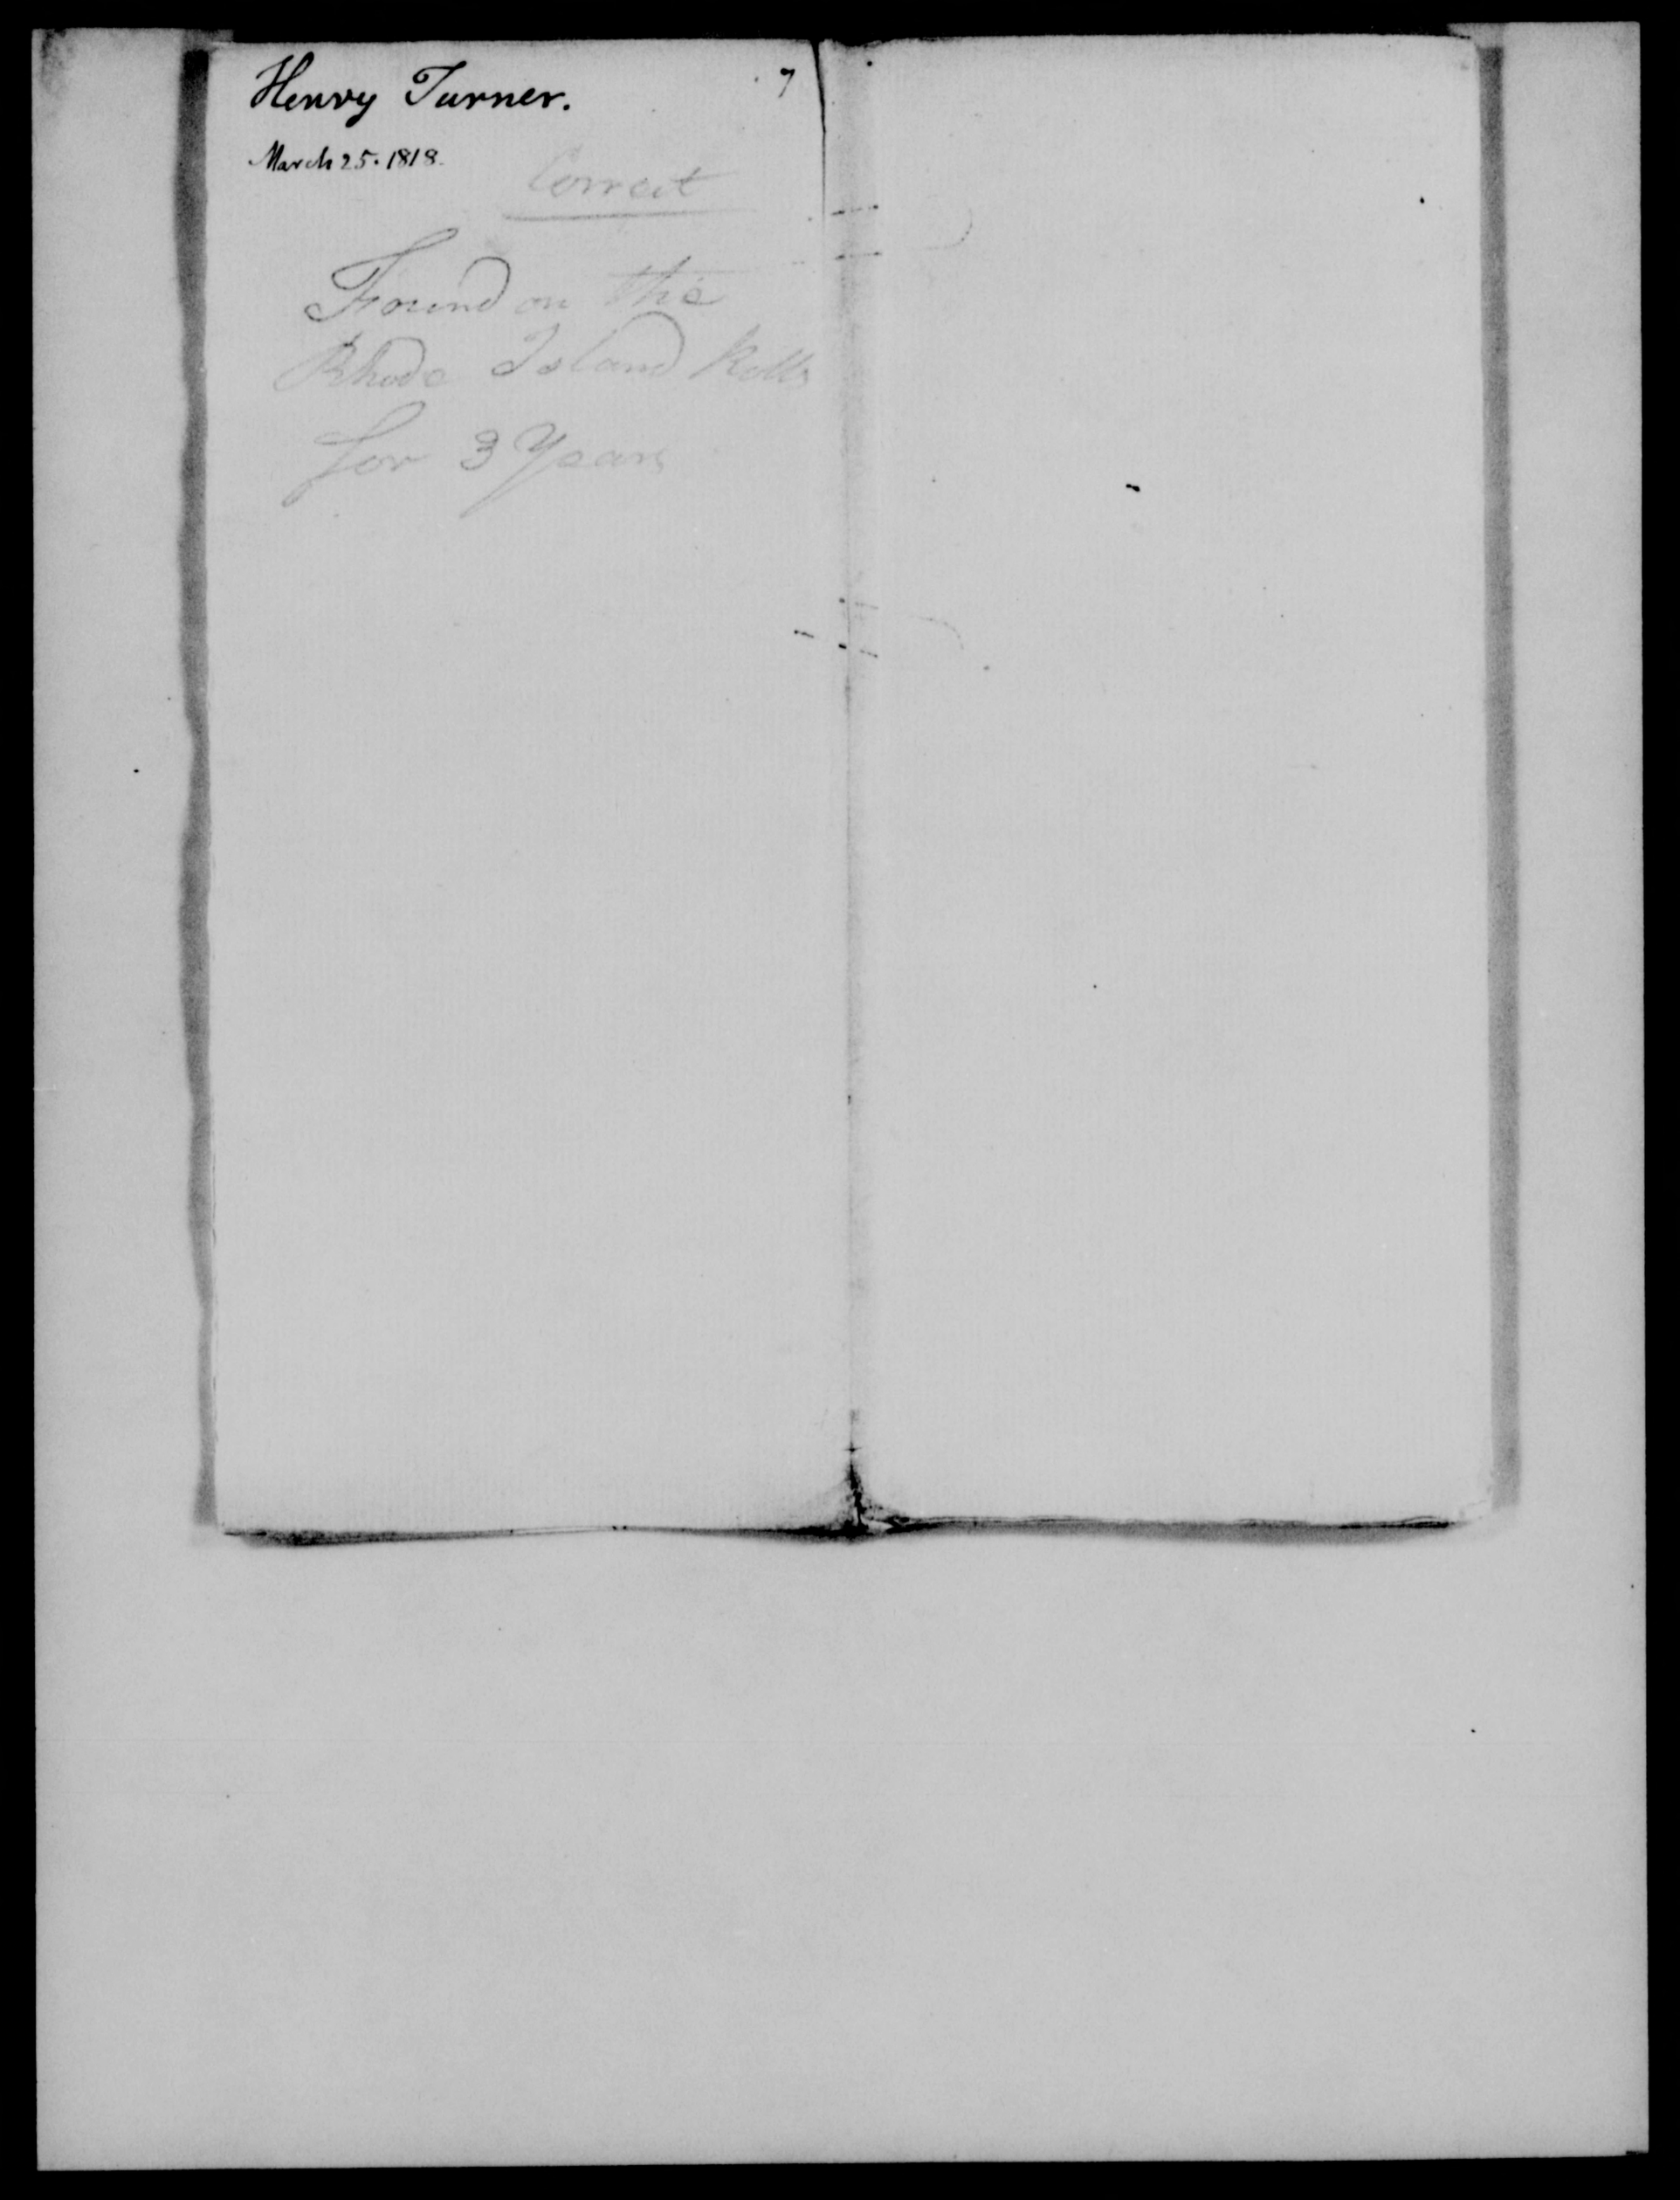Henry Turner
March 25, 1818


Correct


Found on the Rhode Island Rolls for 3 years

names: Henry Turner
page: 3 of 11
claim: survivor's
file: S. 33842, Henry Turner, R.I.